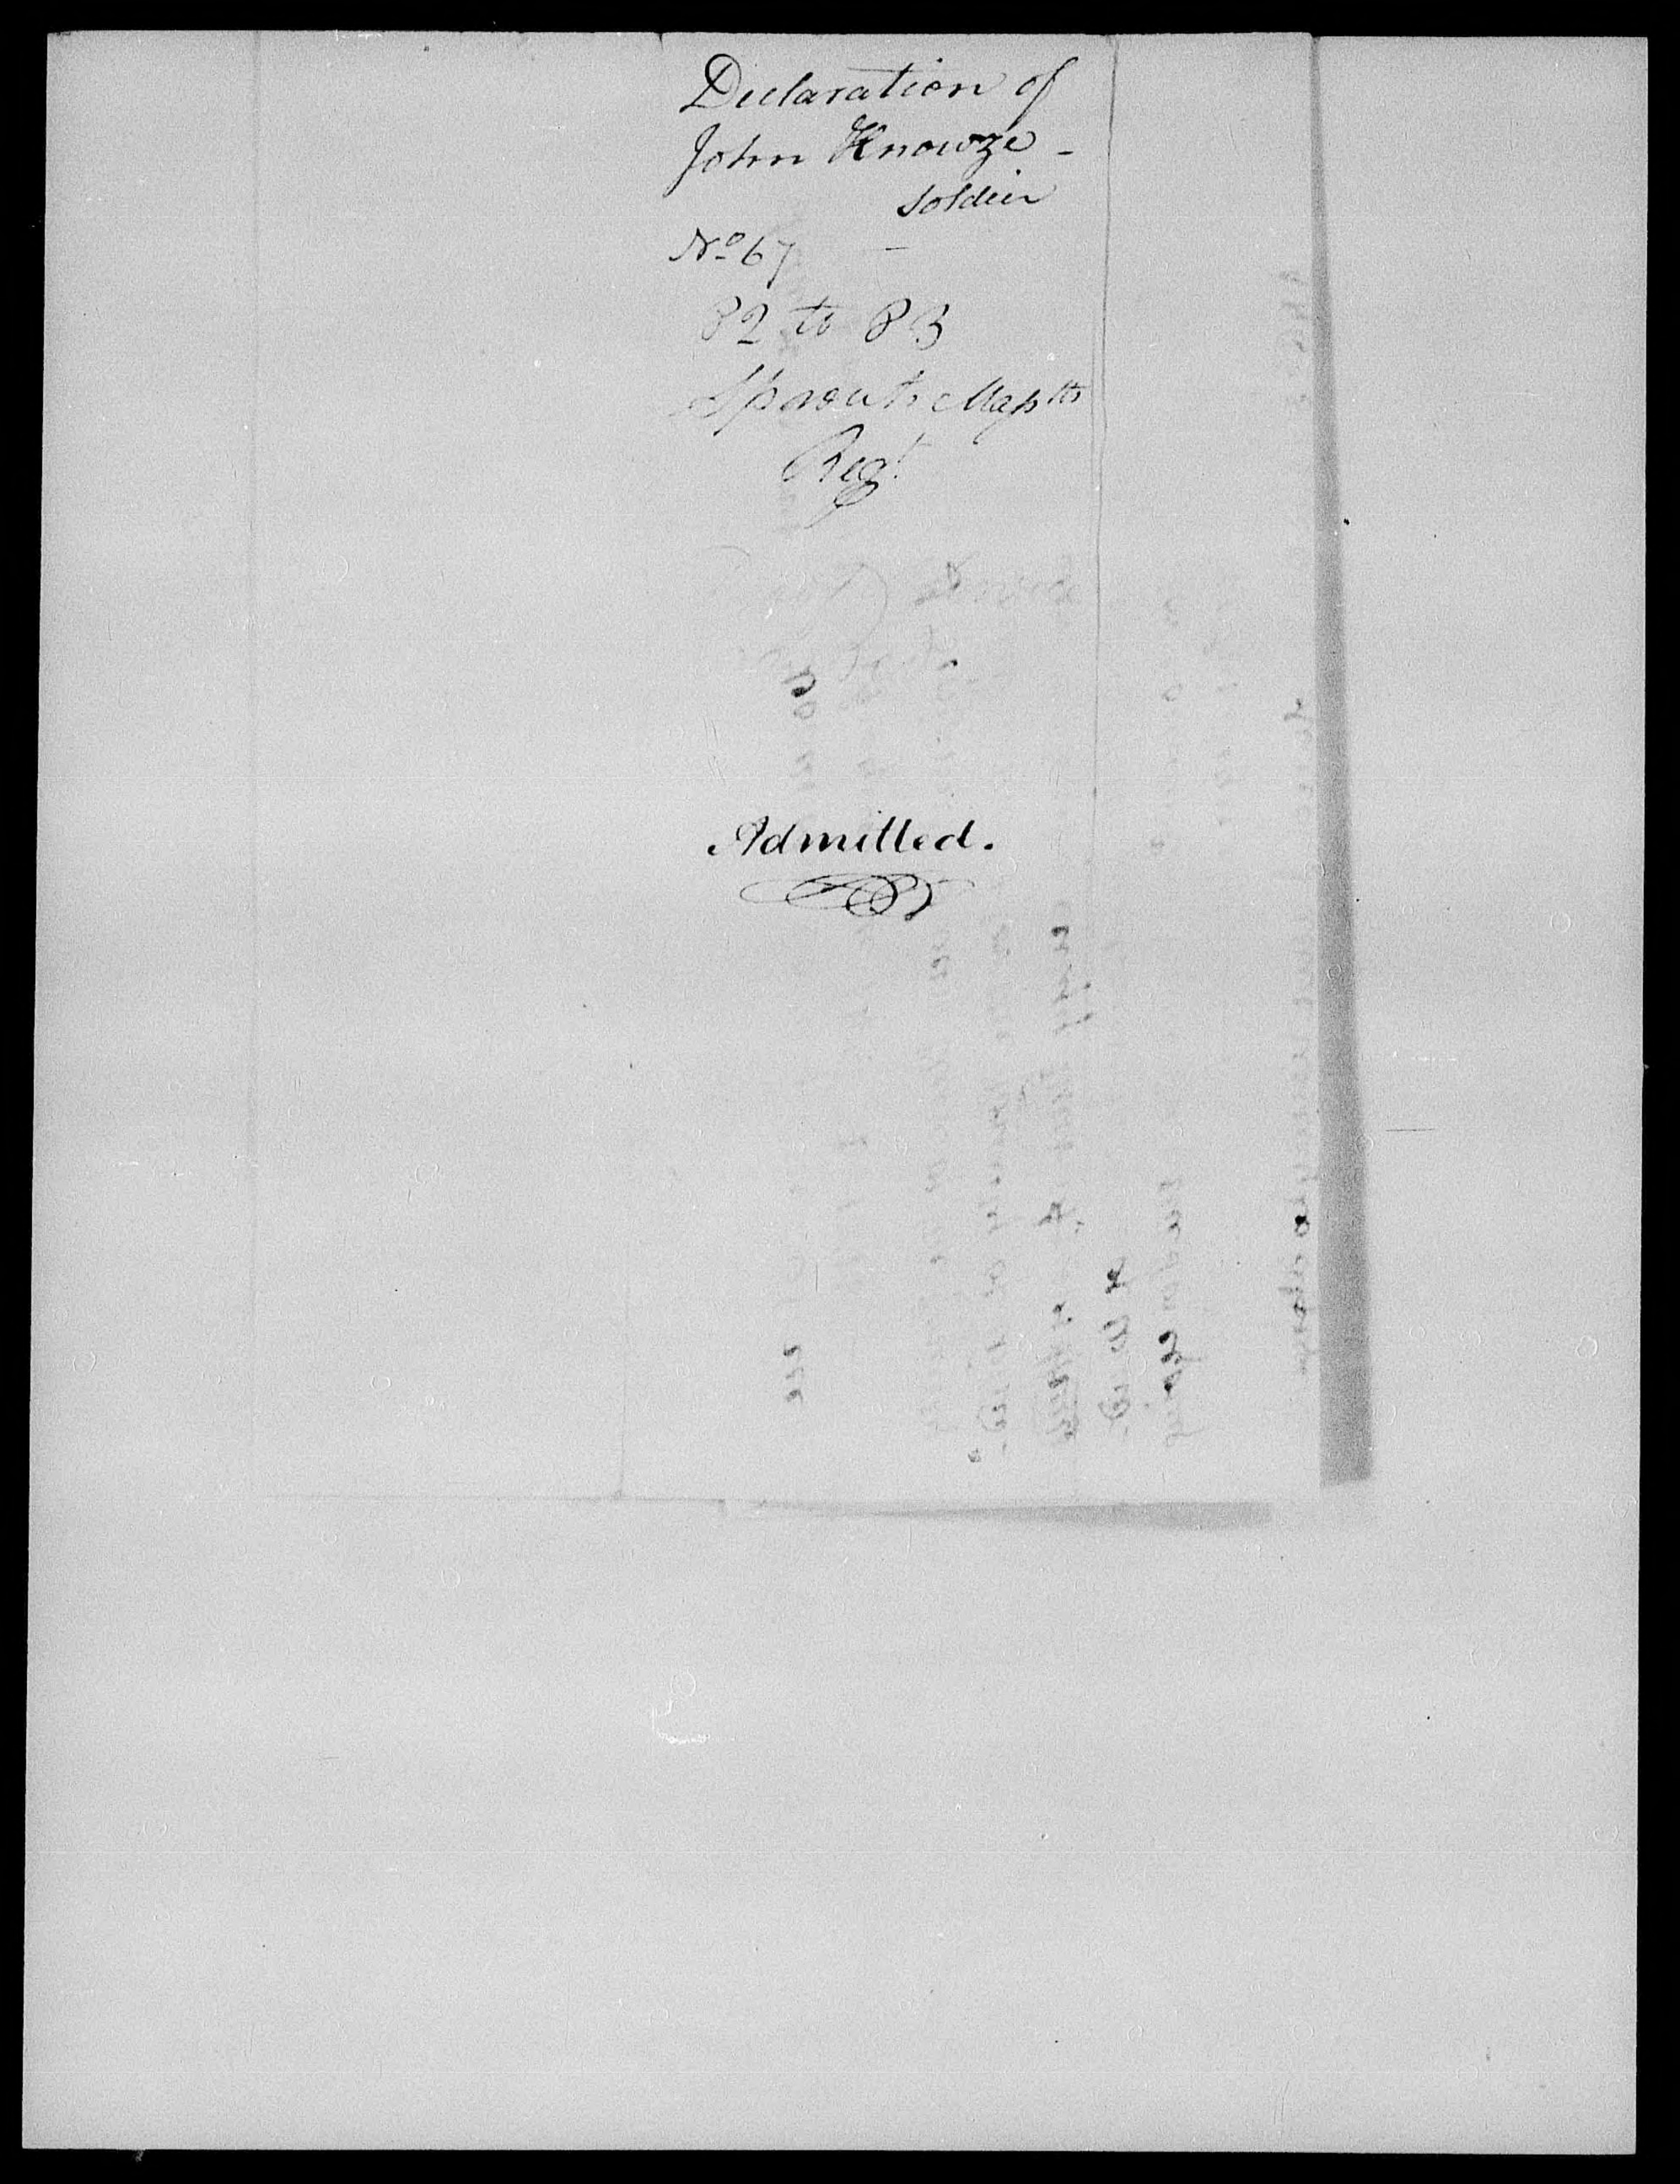Declaration of John Knowze 
Soldier 
No 67 
82 to 83 
Sprouts Masstts Regt 
Admitted.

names: John Knowze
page: 7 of 12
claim: survivor's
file: S. 40,907, for John Knowze, Massachusetts